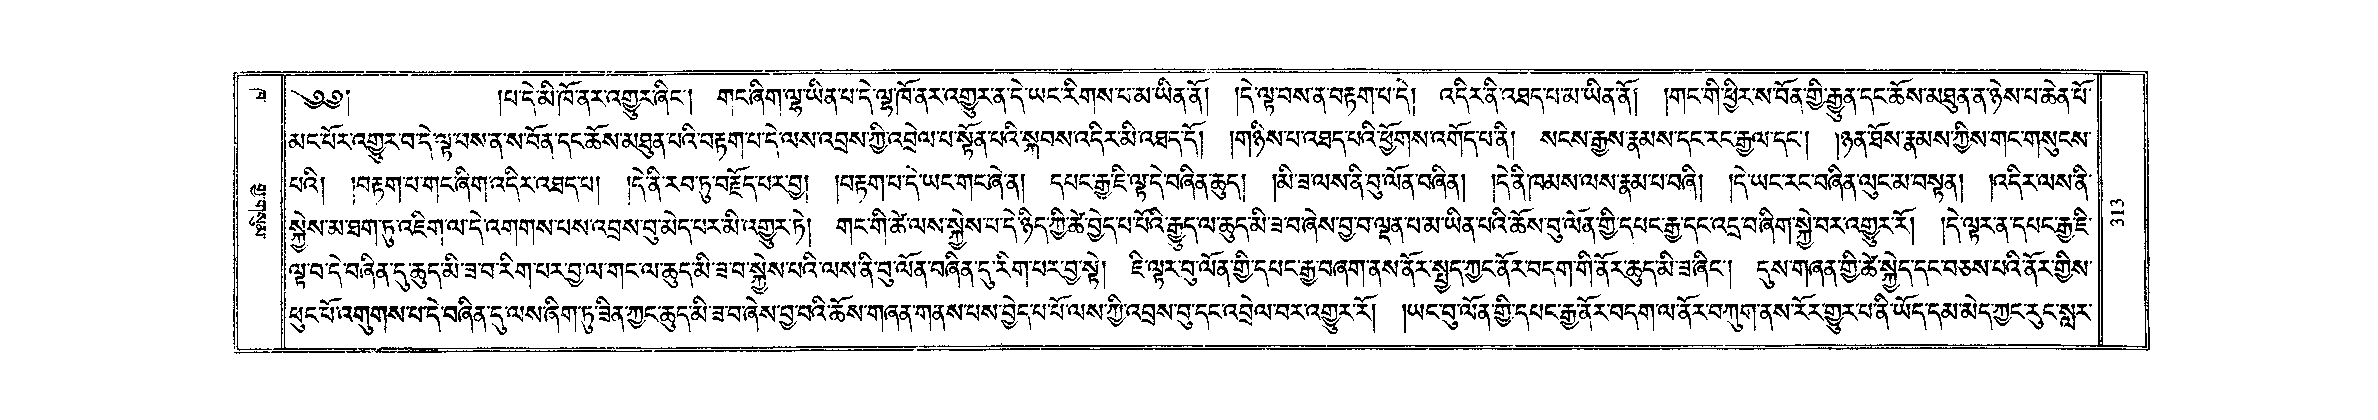༄༅། །པ་དེ་མི་ཁོ་ནར་འགྱུར་ཞིང་། གང་ཞིག་ལྷ་ཡིན་པ་དེ་ལྷ་ཁོ་ནར་འགྱུར་ན་དེ་ཡང་རིགས་པ་མ་ཡིན་ནོ། །དེ་ལྟ་བས་ན་བརྟག་པ་དེ། འདིར་ནི་འཐད་པ་མ་ཡིན་ནོ། །གང་གི་ཕྱིར་ས་བོན་གྱི་རྒྱུན་དང་ཆོས་མཐུན་ན་ཉེས་པ་ཆེན་པོ་
མང་པོར་འགྱུར་བ་དེ་ལྟ་བས་ན་ས་བོན་དང་ཆོས་མཐུན་པའི་བརྟག་པ་དེ་ལས་འབྲས་ཀྱི་འབྲེལ་པ་སྟོན་པའི་སྐབས་འདིར་མི་འཐད་དོ། །གཉིས་པ་འཐད་པའི་ཕྱོགས་འགོད་པ་ནི། སངས་རྒྱས་རྣམས་དང་རང་རྒྱལ་དང་། །ཉན་ཐོས་རྣམས་ཀྱིས་གང་གསུངས་
པའི། །བརྟག་པ་གང་ཞིག་འདིར་འཐད་པ། །དེ་ནི་རབ་ཏུ་བརྗོད་པར་བྱ། །བརྟག་པ་དེ་ཡང་གང་ཞེ་ན། དཔང་རྒྱ་ཇི་ལྟ་དེ་བཞིན་ཆུད། །མི་ཟ་ལས་ནི་བུ་ལོན་བཞིན། །དེ་ནི་ཁམས་ལས་རྣམ་པ་བཞི། །དེ་ཡང་རང་བཞིན་ལུང་མ་བསྟན། །འདིར་ལས་ནི་
སྐྱེས་མ་ཐག་ཏུ་འཇིག་ལ་དེ་འགགས་པས་འབྲས་བུ་མེད་པར་མི་འགྱུར་ཏེ། གང་གི་ཚེ་ལས་སྐྱེས་པ་དེ་ཉིད་ཀྱི་ཚེ་བྱེད་པ་པོའི་རྒྱུད་ལ་ཆུད་མི་ཟ་བ་ཞེས་བྱ་བ་ལྡན་པ་མ་ཡིན་པའི་ཆོས་བུ་ལོན་གྱི་དཔང་རྒྱ་དང་འདྲ་བ་ཞིག་སྐྱེ་བར་འགྱུར་རོ། །དེ་ལྟར་ན་དཔང་རྒྱ་ཇི་
ལྟ་བ་དེ་བཞིན་དུ་ཆུད་མི་ཟ་བ་རིག་པར་བྱ་ལ་གང་ལ་ཆུད་མི་ཟ་བ་སྐྱེས་པའི་ལས་ནི་བུ་ལོན་བཞིན་དུ་རིག་པར་བྱ་སྟེ། ཇི་ལྟར་བུ་ལོན་གྱི་དཔང་རྒྱ་བཞག་ནས་ནོར་སྤྱད་ཀྱང་ནོར་བདག་གི་ནོར་ཆུད་མི་ཟ་ཞིང་། དུས་གཞན་གྱི་ཚེ་སྐྱེད་དང་བཅས་པའི་ནོར་གྱིས་
ཕུང་པོ་འགུགས་པ་དེ་བཞིན་དུ་ལས་ཞིག་ཏུ་ཟིན་ཀྱང་ཆུད་མི་ཟ་བ་ཞེས་བྱ་བའི་ཆོས་གཞན་གནས་པས་བྱེད་པ་པོ་ལས་ཀྱི་འབྲས་བུ་དང་འབྲེལ་བར་འགྱུར་རོ། །ཡང་བུ་ལོན་གྱི་དཔང་རྒྱ་ནོར་བདག་ལ་ནོར་བཀུག་ནས་རོར་གྱུར་པ་ནི་ཡོད་དམ་མེད་ཀྱང་རུང་སླར་